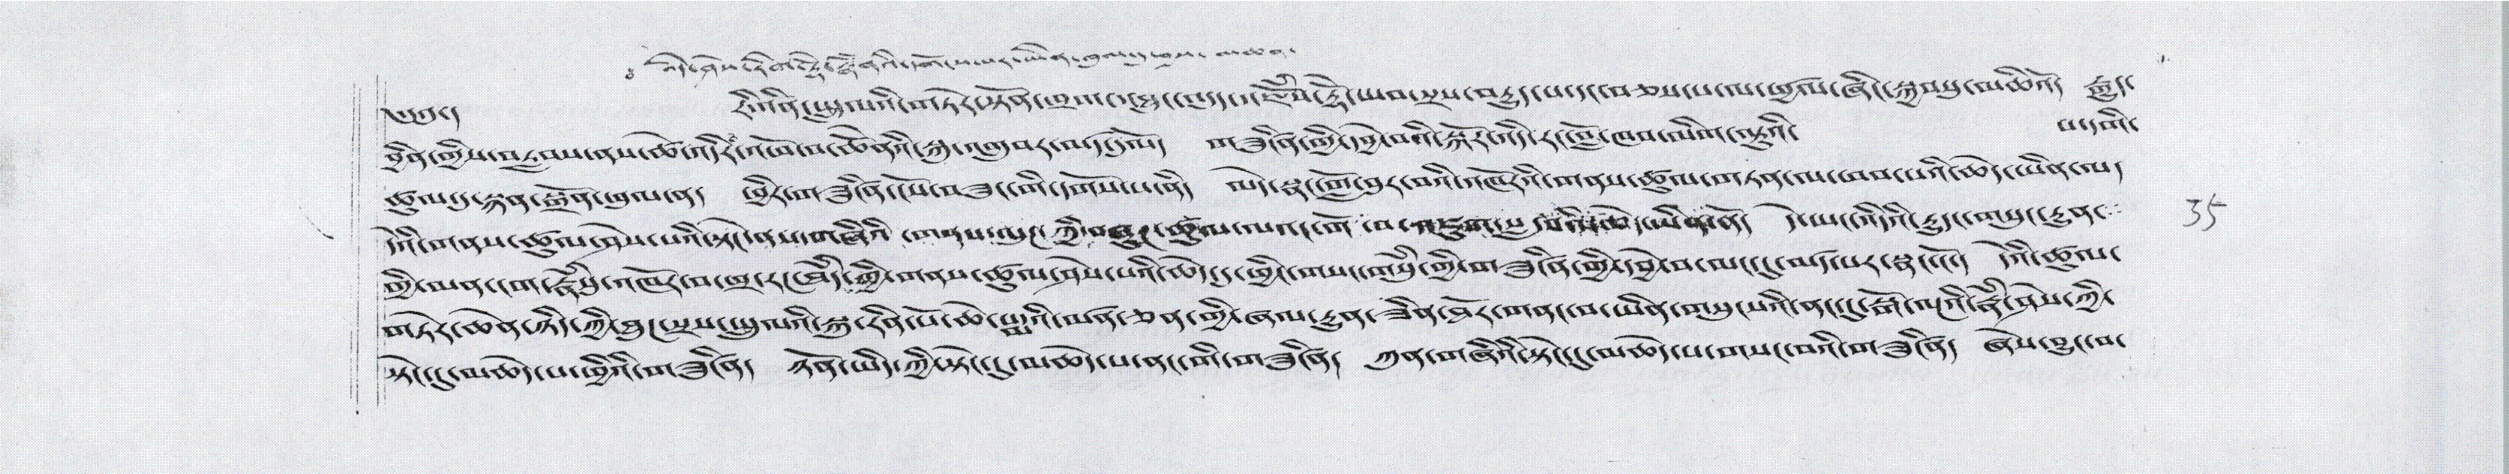༄༅།། རིག་འཛིན་སྤྲུལ་པའི་གཏེར་སྟོན་ཁྲག་འཐུང་བདུད་འཇོམས་རྡོ་རྗེ་ཡབ་སྲས་བརྒྱུད་པ་དང་བཅས་པ་ལ་ཕྱག་འཚལ་ཞིང་སྐྱབས་སུ་མཆིའོ། རྒྱུད་
བྱིན་གྱིས་བརླབས་ནས་ཚེ་འདིར་འཕོ་བ་ཆེན་པོའི་སྐུ་འགྲུབ་པར་མཛད་དུ་གསོལ། ༼འདི་ཤེས་རིག་རྡོ་རྗེ་རྣོན་པོའི་དགོངས་པར་ཡིན་ཁུལ་དུ་བྱས། མཆན།༽གཟུང་འཛིན་གྱི་དབྱེ་བའིས་སྐོར་འདི་རང་བློ་ཁབ་མིག་ལྟ་བུའི་༼༽པ་དག་གི་
ཚུལ་དུ་སྙན་སྦྲོན་ཕུལ་ན། ཕྱིར་གཟུང་འཛིན་ངོས་གཟུང་གི་དགོས་པ་ནི། མེད་སྣང་གློ་བུར་བའི་འཁོར་བའི་གནས་ཚུལ་གཏན་ལ་ཕབ་པའི་ཆེད་ཡིན་ལ། 
དེའི་གནས་ཚུལ་ཤེས་པའི་སྟེང་ནས་གཞིའི་གནས་ལུགས་ཀྱི་བཞུགས་ཚུལ་ལའང་གོ་བ་འཇུག་སླ་བའི་ཆེད་ཡིན་ནོ། དེ་ཡང་འདིའི་རྒྱུད་དང་གསུང་རྒྱུན་
གྱི་མན་ངག་རྣམས་སུ་འཁོར་བ་ཕྲ་རགས་ཐམས་ཅད་ཀྱི་གནས་ཚུལ་ཤེས་པའི་ཆེད་དུ་ཕྱི་ནང་གསང་བའི་གཟུང་འཛིན་གྱི་དབྱེ་བ་མང་དུ་མཛད་པར་སྣང་ངོ་། དེའི་ཚུལ་
གཏེར་ཆེན་ཉིད་ཀྱི་ཐུགས་སྲས་སྤྲུལ་པའི་སྐུ་རིན་པོ་ཆེ་པདྨའི་མཚན་ཅན་གྱི་ཞལ་རྒྱུན་ཟིན་ཐོར་གནང་བ་ཡིན་གསུངས་པའི་ནང་དུ་སྒོ་ལྔའི་རྣམ་ཤེས་ཀྱི་
སྟེང་དུ་མཆེད་པ་ཕྱི་ཡི་གཟུང་འཛིན། ཉོན་ཡིད་ཀྱི་སྟེང་དུ་མཆེད་པ་ནང་གི་གཟུང་འཛིན། ཀུན་གཞིའི་སྟེང་དུ་མཆེད་པ་གསང་བའི་གཟུང་འཛིན། ཞེས་བྱུང་བ་